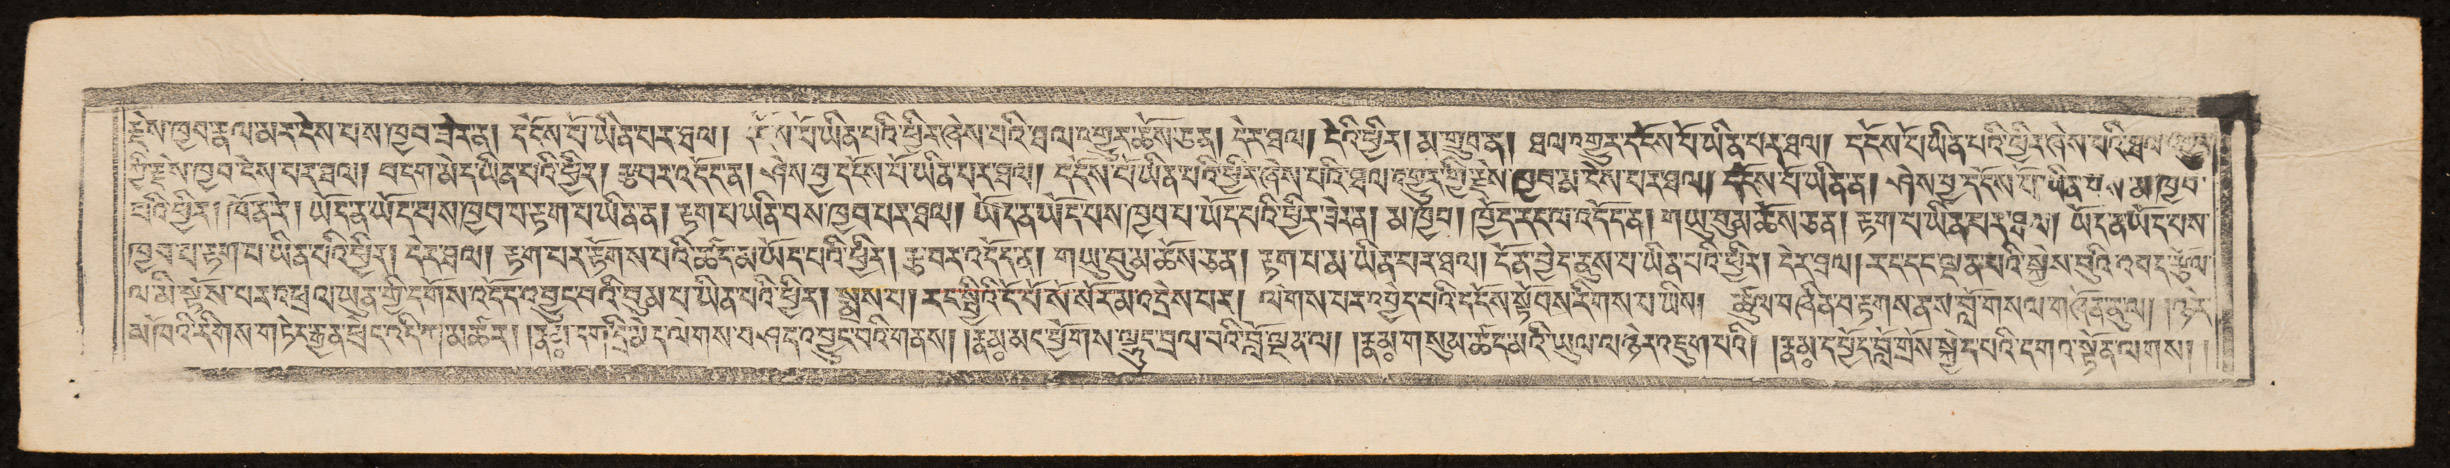རྗེས་ཁྱབ་རྣལ་མར་ངེས་པས་ཁྱབ་ཟེར་ན། དངོས་པོ་ཡིན་པར་ཐལ། དངོས་པོ་ཡིན་པའི་ཕྱིར་ཞེས་པའི་ཐལ་འགྱུར་ཆོས་ཅན། དེར་ཐལ། དེའི་ཕྱིར། མ་གྲུབ་ན། ཐལ་འགྱུར་དངོས་པོ་ཡིན་པར་ཐལ། དངོས་པོ་ཡིན་པའི་ཕྱིར་ཞེས་པའི་ཐལ་འགྱུར་
གྱི་རྗེས་ཁྱབ་ངེས་པར་ཐལ། བདག་མེད་ཡིན་པའི་ཕྱིར། རྩ་བར་འདོད་ན། ཤེས་བྱ་དངོས་པོ་ཡིན་པར་ཐལ། དངོས་པོ་ཡིན་པའི་ཕྱིར་ཞེས་པའི་ཐལ་འགྱུར་གྱི་རྗེས་ཁྱབ་མ་ངེས་པར་ཐལ། དངོས་པོ་ཡིན་ན། ཤེས་བྱ་དངོས་པོ་ཡིན་པས་མ་ཁྱབ་
པའི་ཕྱིར། ཁོ་ན་རེ། ཡོད་ན་ཡོད་པས་ཁྱབ་པ་རྟག་པ་ཡིན་ན། རྟག་པ་ཡིན་པས་ཁྱབ་པར་ཐལ། ཡོད་ན་ཡོད་པས་ཁྱབ་པ་ཡོད་པའི་ཕྱིར་ཟེར་ན། མ་ཁྱབ། ཁྱོད་རང་ལ་འདོད་ན། གཡུ་བུམ་ཆོས་ཅན། རྟག་པ་ཡིན་པར་ཐལ། ཡོད་ན་ཡོད་པས་
ཁྱབ་པ་རྟག་པ་ཡིན་པའི་ཕྱིར། དེར་ཐལ། རྟག་པར་རྟོགས་པའི་ཚད་མ་ཡོད་པའི་ཕྱིར། རྩ་བར་འདོད་ན། གཡུ་བུམ་ཆོས་ཅན། རྟག་པ་མ་ཡིན་པའི་ཐལ། དོན་བྱེད་ནུས་པ་ཡིན་པའི་ཕྱིར། དེར་ཐལ། རང་དང་ལྡན་པའི་སྐྱེས་བུའི་འབད་རྩོལ་
ལ་མི་ལྟོས་པར་འཕྲལ་ཡུན་གྱི་དགོས་འདོད་འབྱུང་བའི་བུམ་པ་ཡིན་པའི་ཕྱིར། སྨྲས་པ། རང་སྤྱིའི་ངོ་བོ་སོ་སོར་མ་འདྲེས་པར། །ལེགས་པར་འབྱེད་པའི་དངོས་སྟོབས་རིགས་པ་ཡིས། །ཚུལ་བཞིན་བརྟགས་ནས་བློ་གསལ་གཞོན་ནུ་ལ། །ཉེར་
མཁོའི་རིགས་གཏེར་རྒྱན་ཕྲེང་འདི་ཀོ་མཚར། །རྣམ་དག་དྲི་མེད་ལེགས་བཤད་འབྱུང་བའི་གནས། །རྣམ་མང་ཕྱོགས་ལྷུང་བྲལ་བའི་བློ་ལྡན་ལ། །རྣམ་གསུམ་ཚད་མའི་ཡུལ་ལ་ཉེར་འཇུག་པའི། །རྣམ་དཔྱོད་བློ་གྲོས་སྐྱེད་པའི་དགའ་སྟོན་ལགས། །